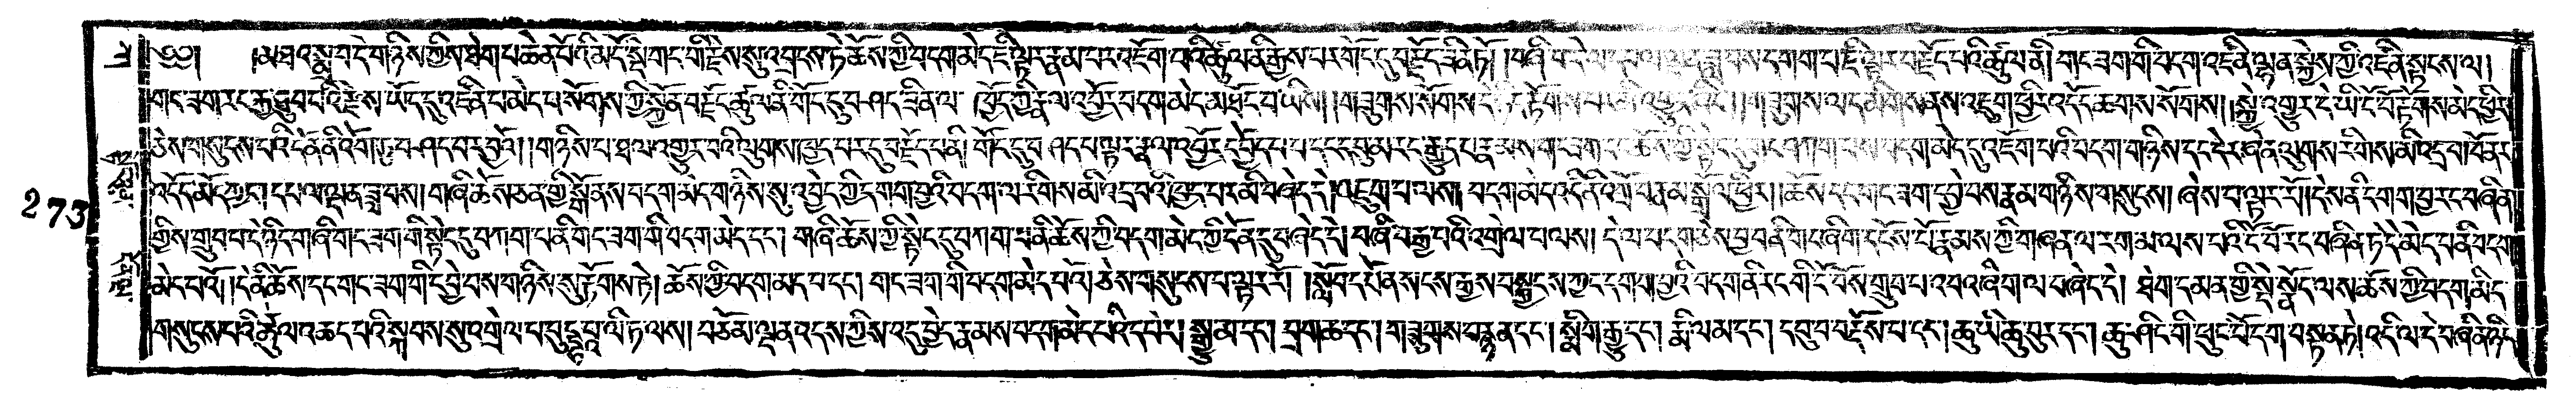༄༅། །མཐའ་སྨ་བ་དེ་གཉིས་ཀྱིས་ཐེག་པ་ཆེན་པོའི་མདོ་སྡེ་གང་གི་རྗེས་སུ་འབྲངས་ཏེ་ཆོས་ཀྱི་བདག་མེད་ཇི་ལྟར་རྣམ་པར་འཇོག་པའི་ཚུལ་ནི་རྒྱས་པར་གོང་དུ་བརྗོད་ཟིན་ཏོ། །བཞི་པ་དེ་ལ་དཔལ་ལྡན་ཟླ་བས་དགག་པ་ཇི་ལྟར་བརྗོད་པའི་ཚུལ་ནི། གང་ཟག་གི་བདག་འཛིན་ལྷན་སྐྱེས་ཀྱི་འཛིན་སྟངས་ལ།
གང་ཟག་རང་རྐྱ་ཐུབ་པའི་རྫས་ཡོད་དུ་འཛིན་པ་མེད་པ་སོགས་ཀྱི་སྐྱོན་བརྗོད་ཚུལ་ནི་གོང་དུ་བཤད་ཟིན་ལ་ཁྱོད་ཀྱི་རྣལ་འབྱོར་བདག་མེད་མཐོང་བ་ཡིས། །གཟུགས་སོགས་དེ་ཉིད་རྟོགས་པར་མི་འགྱུར་ཞིང་། །གཟུགས་ལ་དམིགས་ནས་འཇུག་ཕྱིར་འདོད་ཆགས་སོགས། །སྐྱེ་འགྱུར་དེ་ཡི་ངོ་བོ་རྟོགས་མེད་ཕྱིར་
ཅེས་གསུངས་པའི་དོན་ནི་འོག་ཏུ་བཤད་བར་བྱའོ། །གཉིས་པ་ཐལ་འགྱུར་བའི་ལུགས་ཁྱད་པར་དུ་བརྗོད་པ་ནི། གོང་དུ་བཤད་པ་ལྟར་རྣལ་འབྱོར་དཔྱོད་པ་པ་དང་དབུ་མ་རང་རྒྱུད་པ་རྣམས་གང་ཟག་དང་ཆོས་ཀྱི་སྟེང་དུ་གང་བཀག་པས་བདག་མེད་དུ་འཇོག་པའི་བདག་གཉིས་དང་དེར་ཞེན་ལུགས་རིགས་མི་འདྲ་བ་ཁོ་ནར་
འདོད་མོད་ཀྱང་། དཔལ་ལྡན་ཟླ་བས། གཞི་ཆོས་ཅན་གྱི་སྒོ་ནས་བདག་མེད་གཉིས་སུ་འབྱེད་ཀྱི་དགག་བྱའི་བདག་ལ་རིགས་མི་འདྲ་བའི་ཁྱད་པར་མི་བཞེད་དེ། འཇུག་པ་ལས། བདག་མེད་འདི་ནི་འགྲོ་བ་རྣམ་སྒྲོལ་ཕྱིར། །ཆོས་དང་གང་ཟག་དབྱེ་བས་རྣམ་གཉིས་གསུངས། ཞེས་པ་ལྟར་རོ། །དེས་ནི་དགག་བྱ་རང་བཞིན་
གྱིས་གྲུབ་པ་དེ་ཉིད་གཞི་གང་ཟག་གི་སྟེང་དུ་བཀག་པ་ནི་གང་ཟག་གི་བདག་མེད་དང་། གཞི་ཆོས་ཀྱི་སྟེང་དུ་བཀག་པ་ནི་ཆོས་ཀྱི་བདག་མེད་ཀྱི་དོན་དུ་བཞེད་དེ། བཞི་བརྒྱ་པའི་འགྲེལ་པ་ལས། དེ་ལ་བདག་ཅེས་བྱ་བ་ནི་གང་ཞིག་དངོས་པོ་རྣམས་ཀྱི་གཞན་ལ་རག་མ་ལས་པའི་ངོ་བོ་རང་བཞིན་ཏེ་?་དེ་མེད་པ་ནི་བདག་
མེད་པའོ། །དེ་ནི་ཆོས་དང་གང་ཟག་གི་དབྱེ་བས་གཉིས་སུ་རྟོགས་ཏེ། ཆོས་ཀྱི་བདག་མེད་བ་དང་། གང་ཟག་གི་བདག་མེད་པའོ། ཅེས་གསུངས་པ་ལྟར་རོ། །སློབ་དཔོན་སངས་རྒྱས་བསྐྱངས་ཀྱང་དགག་བྱའི་བདག་ནི་རང་གི་ངོ་བོས་གྲུབ་པ་འབའ་ཞིག་ལ་བཞེད་དེ། ཐེག་དམན་གྱི་སྡེ་སྣོད་ལས་ཆོས་ཀྱི་བདག་མིད་
གསུངས་པའི་ཚུལ་འཆད་པའི་སྐབས་སུ་འགྲེལ་པ་བུདྡྷ་པཱ་ལི་ཏ་ལས། བཅོམ་ལྡན་འདས་ཀྱིས་འདུ་བྱེད་རྣམས་བདག་མེད་པའི་དཔེར། སྒྱུ་མ་དང་། བྲག་ཆ་དང་། གཟུགས་བརྙན་དང་། སྨིག་རྒྱུ་དང་། རྨི་ལམ་དང་། དབུ་བ་བརྡོས་པ་དང་། ཆུ་ཡི་ཆུ་བུར་དང་། ཆུ་ཤིང་གི་ཕུང་བོ་དག་བསྟན་ཏེ། འདི་ལ་དེ་བཞིན་ཉིད་